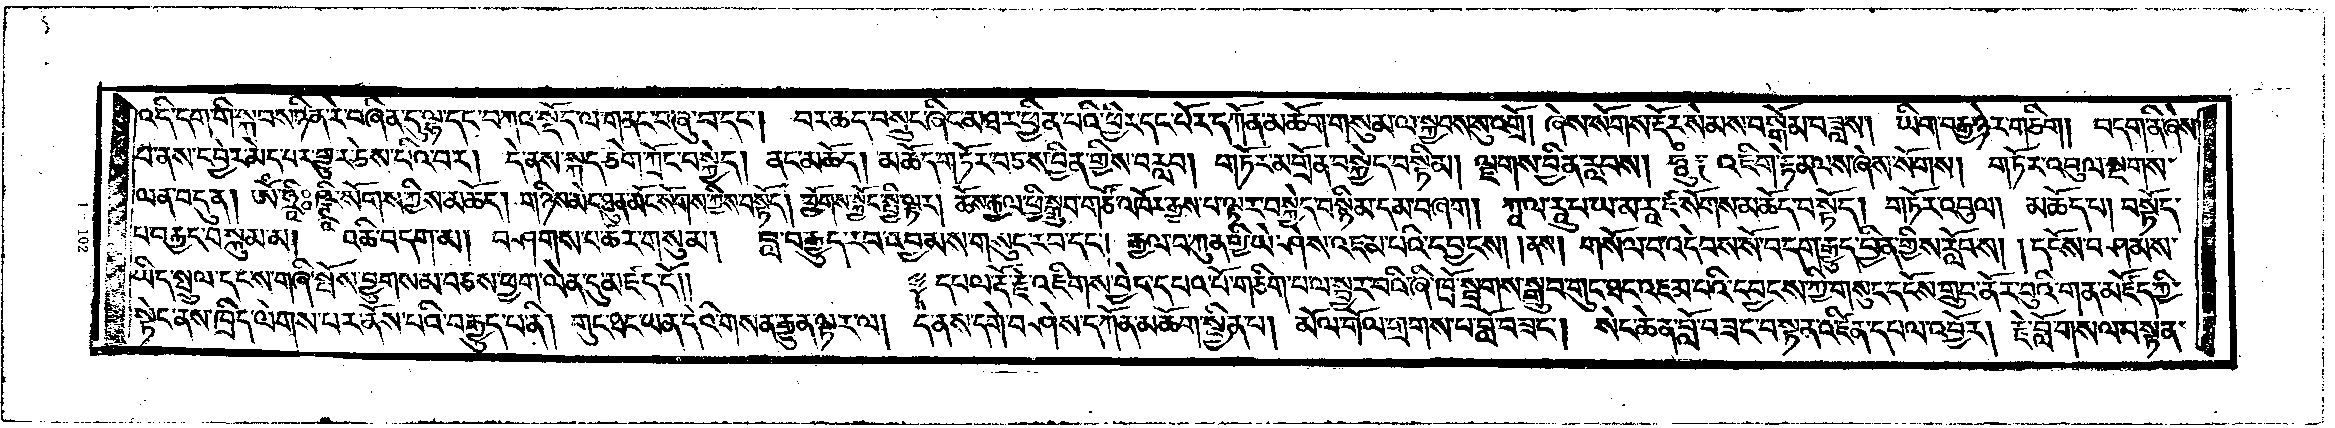འདི་དག་གི་སྐབས་ཉིན་རེ་བཞིན་དུ་ལྷ་དང་བཀའ་སྡོད་ལ་གནང་བཞུ་བ་དང་། བར་ཆད་བསྲུང་ཞིང་མཐར་ཕྱིན་པའི་ཕྱིར་དང་པོར་དཀོན་མཆོག་གསུམ་ལ་སྐྱབས་སུ་འགྲོ། ཞེས་སོགས་རྡོར་སེམས་བསྒོམ་བཟླས། ཡིག་བརྒྱ་ཉེར་གཅིག །བདག་ནི་ཞེས་
པ་ནས་དབྱེར་མེད་པར་གྱུར་ཅེས་པའི་བར། དེ་ནས་སྐད་ཅིག་ཀྲོང་བསྐྱེད། ནང་མཆོད། མཆོད་གཏོར་བཅས་བྱིན་གྱིས་བརླབ། གཏོར་མགྲོན་བསྐྱེད་བསྟིམ། ལྗགས་བྱིན་བརླབས། ཧཱུཾ༑ འཇིག་རྟེན་ལས་ཞེས་སོགས། གཏོར་འབུལ་སྔགས་
ལན་བདུན། ཨོཾ་ཧྲཱིཿ ཥྚཱི་སོགས་ཀྱིས་མཆོད། གཉིས་མེད་ཐུན་མོང་སོགས་ཀྱིས་བསྟོད། ཕྱོགས་སྐྱོང་སྤྱི་ལྟར། ཆོས་རྒྱལ་ཕྱི་སྒྲུབ་གཙོ་འཁོར་རྒྱས་པ་ལྟར་བསྐྱེད་བསྙིམ་དམ་བཞག །ཀཱ་ལ་རཱུ་པ་ཡ་མ་རཱ་ཛ་སོགས་མཆོད་བསྟོད། གཏོར་འབུལ། མཆོད་པ། བསྟོད་
པ་བརྐྱང་བསྐུམ་མ། འཆི་བདག་མ། བཤགས་པ་ཚར་གསུམ། བླ་བརྒྱུད་རབ་འབྱམས་གསུང་རབ་དང་། རྒྱལ་བ་ཀུན་གྱི་ཡེ་ཤེས་འཇམ་པའི་དབྱངས། །ནས། གསོལ་བ་འདེབས་སོ་བདག་རྒྱུད་བྱིན་གྱིས་རློབས། དངོས་བཤམས་
ཡིད་སྤྲུལ་དང་ས་གཞི་སྤོས་བྱུག་སམ་བཅས་ཕྱག་ལེན་དུ་མཛད་དོ།། ༈ དཔལ་རྡོ་རྗེ་འཇིགས་བྱེད་དཔའ་བོ་གཅིག་པ་ལ་སྦྱར་བའི་ཞི་ཁྲོ་སྦྲགས་སྒྲུབ་གུང་ཐང་འཇམ་པའི་དབྱངས་ཀྱི་གསུང་དངོས་གྲུབ་ནོར་བུའི་གན་མཛོད་ཀྱི་
སྟེང་ནས་ཁྲིད་ལེགས་པར་ནོས་པའི་བརྒྱུད་པ་ནི། གུང་ཐང་ཡན་དེའི་གསན་རྒྱུན་ལྟར་ལ། དེ་ནས་དགེ་བཤེས་དཀོན་མཆོག་སྦྱིན་པ། མོལ་གོལ་གྲགས་པ་བློ་བཟང་། སེང་ཆེན་བློ་བཟང་བསྟན་འཛིན་དཔལ་འབྱོར། རྗེ་བློ་གསལ་བསྟན་